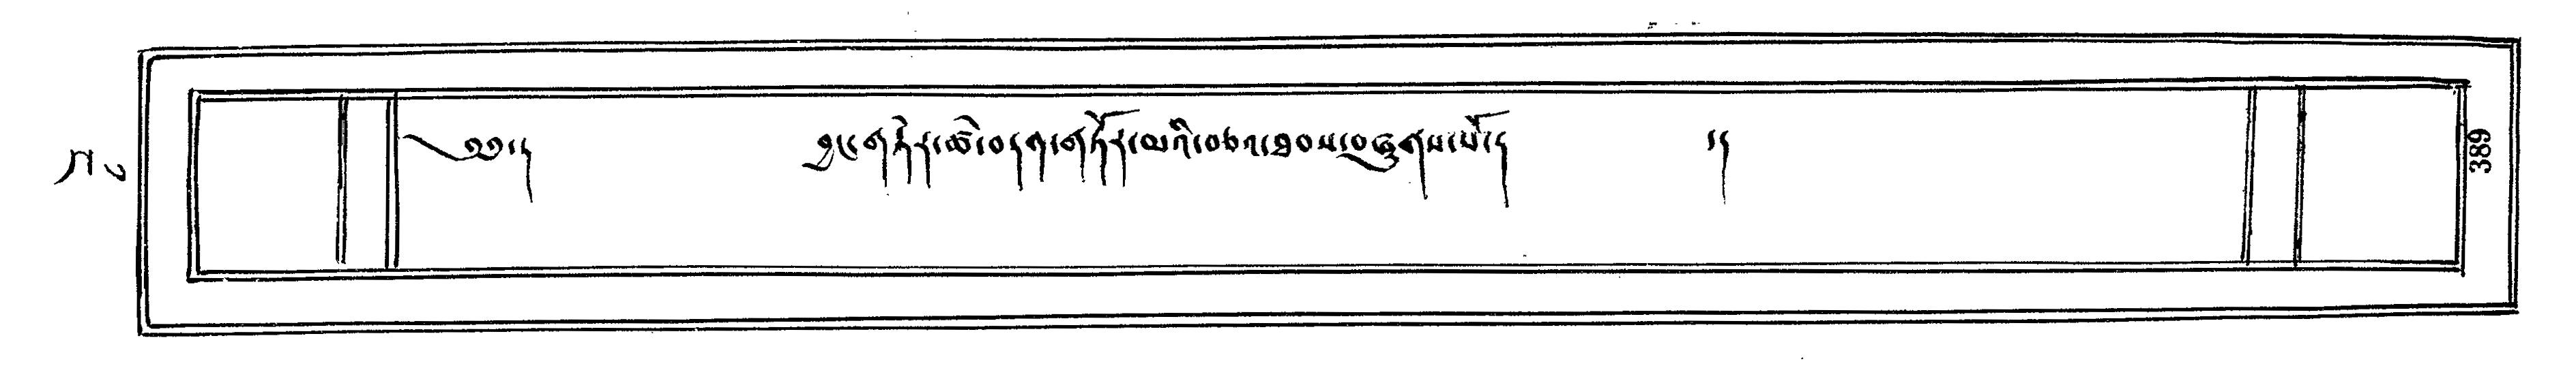བྱང་གཏེར་ཚེ་བདག་གཏོར་མའི་བཅའ་ཐབས་བཞུགས་སོ།།